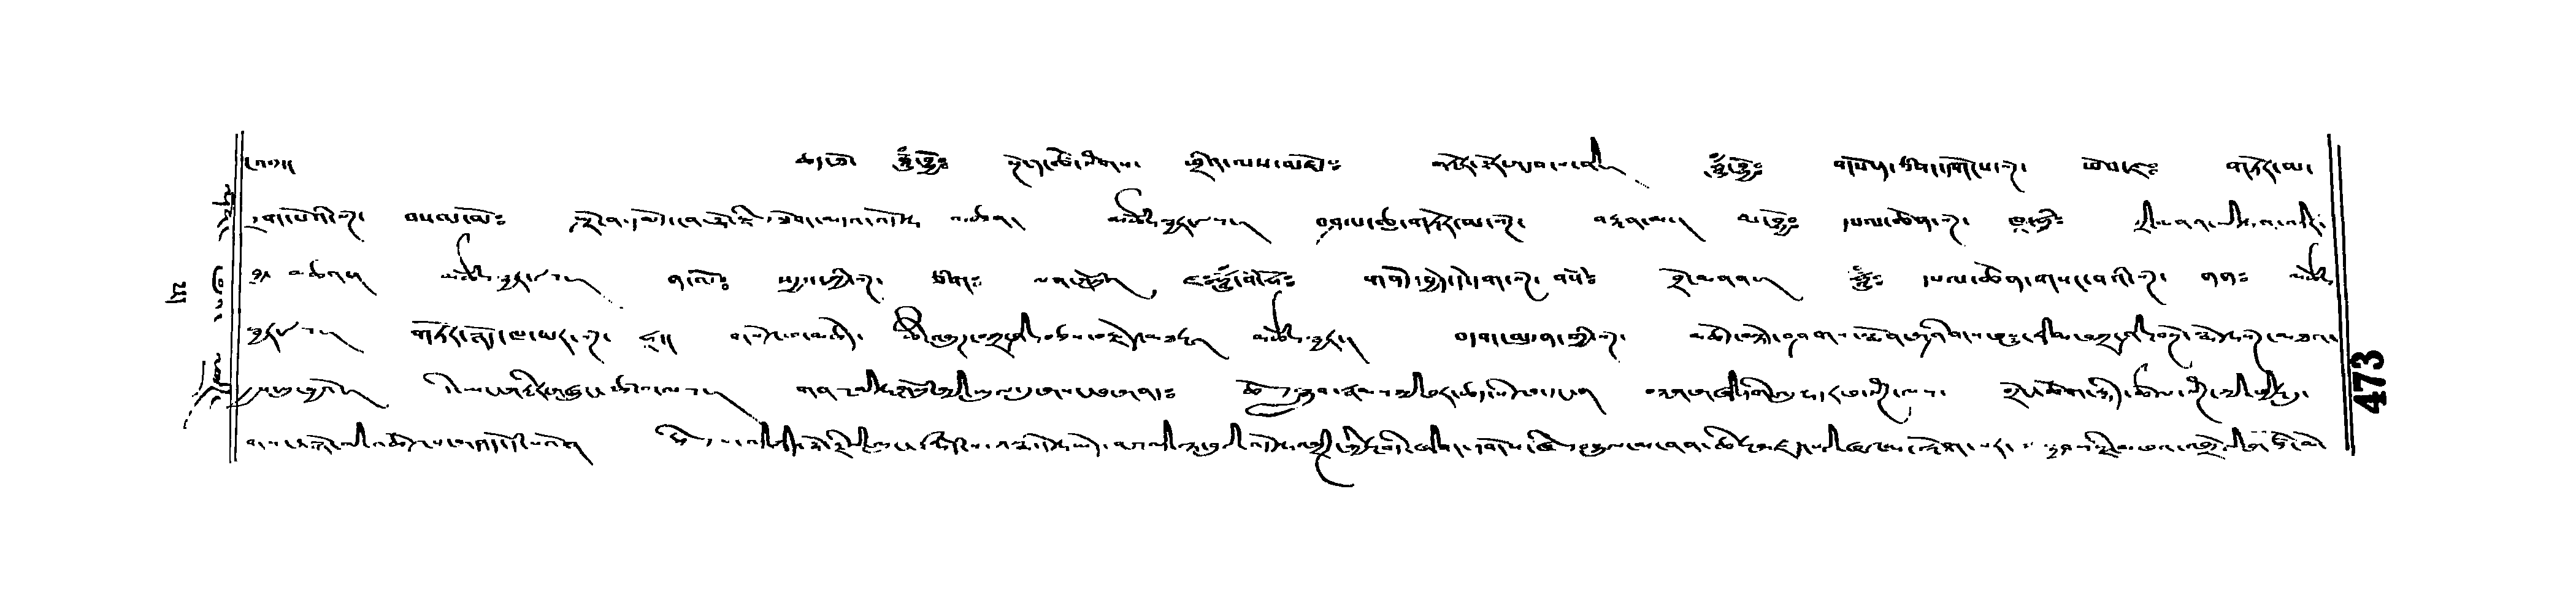ཆད་ཐོ། ཧཱུྃ་བྷྱོ༔ སྔོན་ཚེ་སོགས། ཕྲིན་ལས་མཛོད༔ གཏོར་ཟོར་གདབ་པ་ནི། ཧཱུྃ་བྷྱོ༔ གསོན་ཅིག་དགོངས་སོགས། ཕོབ་ཛཿ གཏོར་མ་
དྲག་པོའི་སོགས། བསམ་མོ༔ སྤྲོ་ན་དམོད་ངན་རྡོ་རྗེ་ཐོག་མདའ་འདོན། མཆན། མཚམས་སྦྱར་ལས། བཤལ་ཆུའི་གཏོར་མ་སོགས། བརྟན་མ། མ་བྷྱོ༔ དཔལ་ཆེན་སོགས། ཁཱ་ཧི༔ སྲི་མནན་གྱི་ལྷན་འདིར་
བྱ། མཆན། མཚམས་སྦྱར་ལས། ན་མོཿ སངས་རྒྱས་ཀྱི་སོགས། ཅིག༔ ལན་གསུམ། ཛཿཧཱུྃ་བཾ་ཧོཿ གནོད་བྱེད་དེ་དག་སོགས། བསམ༔ བྲོ་མནན།ས ཧཱུ༔ དཔལ་ཆེན་གསང་བའི་སོགས། ནན༔ མཚམས་
སྦྱར་ལས། གཏོར་སྣོད་ཁ་ཡར་སོགས། ཧཱ། གསོལ་བ་མཆོད། ཚེ་འགུགས་བཀྲ་ཤིས་བཅས་བརྗོད་མཐར། མཚམས་སྦྱར། བདག་མདུན་གྱི་སོགས། མཆོད་བསྟོད་བཤགས་སྨོན་གཤེགས་གསོལ་བསྡུ་རིམ་བཀྲ་ཤིས་བསྔོ་སྨོན་སོགས་མཐའ་
རྒྱས་སུ་བྱའོ། དེ་ཡང་གཏེར་གཞུང་རྩ་བ་ལས། གནས་མིན་གསུམ་གྱི་ཡུལ་དུ་གསང་བ་གནད། ཆོས་སྒྲུབ་རྣམས་ཀྱི་བར་ཆད་སེལ་བ་དང་བསྟན་གཞི་དགེ་འདུན་དར་བ་སོགས་ལས། གྲོང་ཆོག་རྙེད་ཚོལ་སོགས་ཀྱི་ཕྱིར་དུ་
གསང་སྒོ་མི་འཆོལ་པ་གནད་དམ་པའོ།། ཅེས་པ་འདི་ཉིད་རྡོ་རྗེའི་ལུང་ཟིན་དམ་པ་ཀརྨ་དོན་ཡོད་ནས་འདི་ལྟ་བུའི་འདོན་འགྲིགས་ཁྱེར་བདེ་ཞིག་དགོས་ཞེས་བསྐུལ་མ་ནན་ཆེར་མཛད་པའི་ཞལ་མ་ལྡོག་པར་སྐྱབས་རྗེ་མཁའ་འགྲོའི་གཙོ་མོ་